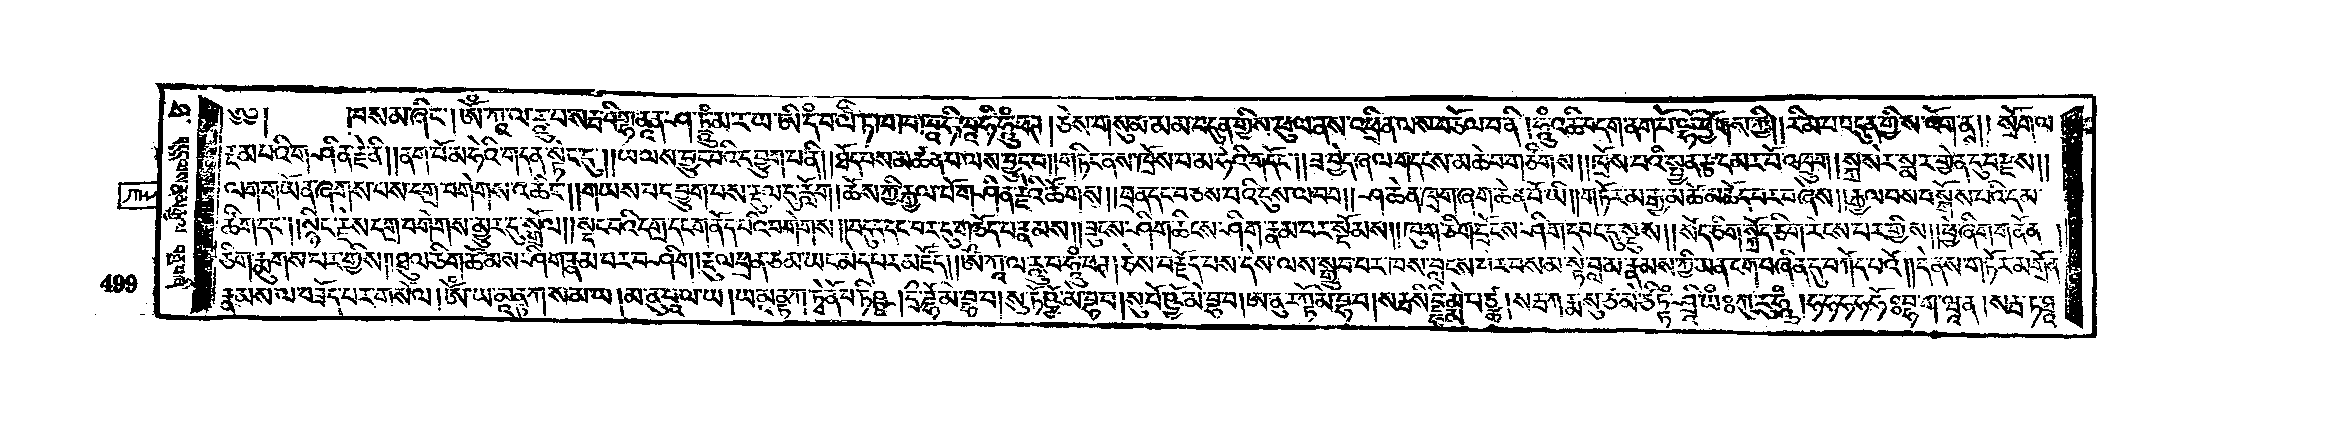༄༅། །བསམ་ཞིང་། ཨོཾ་ཀཱ་ལ་རཱུ་པ་སརྦ་བིགྷ་ནཱན་ཤ་ཏྲཱུཾ་མ་ར་ཡ་ཨི་དཾ་བ་ལི་ཏ་ཁ་ཁ་ཁཱ་ཧི་ཁཱ་ཧི་ཧཱུཾ་ཕཊ། ཅེས་གསུམ་མམ་བདུན་གྱིས་ཕུལ་ནས་འཕྲིན་ལས་བཅོལ་བ་ནི། ཧཱུཾ་འཆི་བདག་ནག་པོ་ལྷོ་ཕྱོགས་ཀྱི། །རིམ་པ་བདུན་གྱིས་འོག་ནས། །སྲེགས་
རྔམ་པའི་གཤིན་རྗེ་ནི། །ནག་པོ་མ་ཧེའི་གདན་སྟེང་དུ། །ཡ་ལས་བྱུང་བའི་དབྱུག་པ་ནི། །ཐོད་པས་མཚན་པ་ལས་བྱུང་བ། །གཏིང་ནས་ཁྲོས་པ་མ་ཧེའི་གདོང་། །ཟ་བྱེད་ཞལ་གདངས་མཆེ་བ་གཙིགས། །ཁྲོས་པའི་སྤྱན་རྩ་དམར་པོ་འཁྲུག །སྐྲ་སེར་སྨར་གྱེན་དུ་བརྫེས། །
ལག་གཡོན་ཞགས་པས་དགྲ་བགེགས་འཆིང་། །གཡས་པ་དབྱུག་པས་རྡུལ་དུ་རློག །ཆོས་ཀྱི་རྒྱལ་པོ་གཤིན་རྗེའི་ཚོགས། །བྲན་དང་བཅས་པའི་དུས་ལ་བབ། །ཤ་ཆེན་ཁྲག་ཞག་ཆེན་པོ་ཡི། །གཏོར་མ་རྒྱ་མཚོ་མཆོད་པར་བཞེས། །རྒྱལ་བས་བསྒོས་པའི་དམ་
ཚིག་དང་། །སྙིང་རྗེས་དགྲ་བགེགས་མྱུར་དུ་སྒྲོལ། །སྡང་བའི་དགྲ་དང་གནོད་པའི་བགེགས། །བདུད་དང་བར་དུ་གཅོད་པ་རྣམས། །ཟུངས་ཤིག་ཆིངས་ཤིག་རྣམ་པར་སྡོམས། །ཁུག་ཅིག་དྲོངས་ཤིག་དབང་དུ་སྡུས། །སོད་ཅིག་སྐྲོད་ཅིག་རེངས་པར་གྱིས། །ཕྱེ་ཞིག་གནོན་
ཅིག་རྨུགས་པར་གྱིས། །ཐུལ་ཅིག་ཚོམས་ཤིག་རྣམ་པར་བཤིག །རྡུལ་ཕྲན་ཙམ་ཡང་མེད་པར་མཛོད། །ཨོཾ་ཀཱ་ལ་རཱུ་པ་ཧཱུཾ་ཕཊ། ཅེས་བརྗོད་པས་དེས་ལས་སྒྲུབ་པར་ཁས་བླངས་པར་བསམ་སྟེ་བླ་མ་རྣམས་ཀྱི་མན་ངག་བཞིན་དུ་བཀོད་པའོ། །དེ་ནས་གཏོར་མགྲོན་
རྣམས་ལ་བཟོད་པར་གསོལ། ཨོཾ་ཡ་མཱནྟ་ཀ་ས་མ་ཡ། མ་ནུ་པཱ་ལ་ཡ། ཡ་མཱནྟ་ཀ་ཏྭེ་ནོ་པ་ཏིཥཊཿཨ། དྲྀ་ཌོཧ་མེ་བྷ་བ། སུ་ཏོ་ཥྱོ་མེ་བྷ་བ། སུ་བོ་ཥྱོ་མེ་བྷ་བ། ཨ་ནུ་རཀྟོ་མེ་བྷ་བ། སརྦ་སིདྡྷི་མྨེ་པྲཙྪ། སརྦ་ཀ་རྨ་སུ་ཙ་མེ་ཙི་ཏྟཾ་ཤྲཱི་ཡཾཿ ཀུ་རུ་ཧཱུཾ། ཧ་ཧ་ཧ་ཧ་ཧོཿ བྷ་ག་ཝཱ་ན། སརྦ་ཏ་ཐཱ་